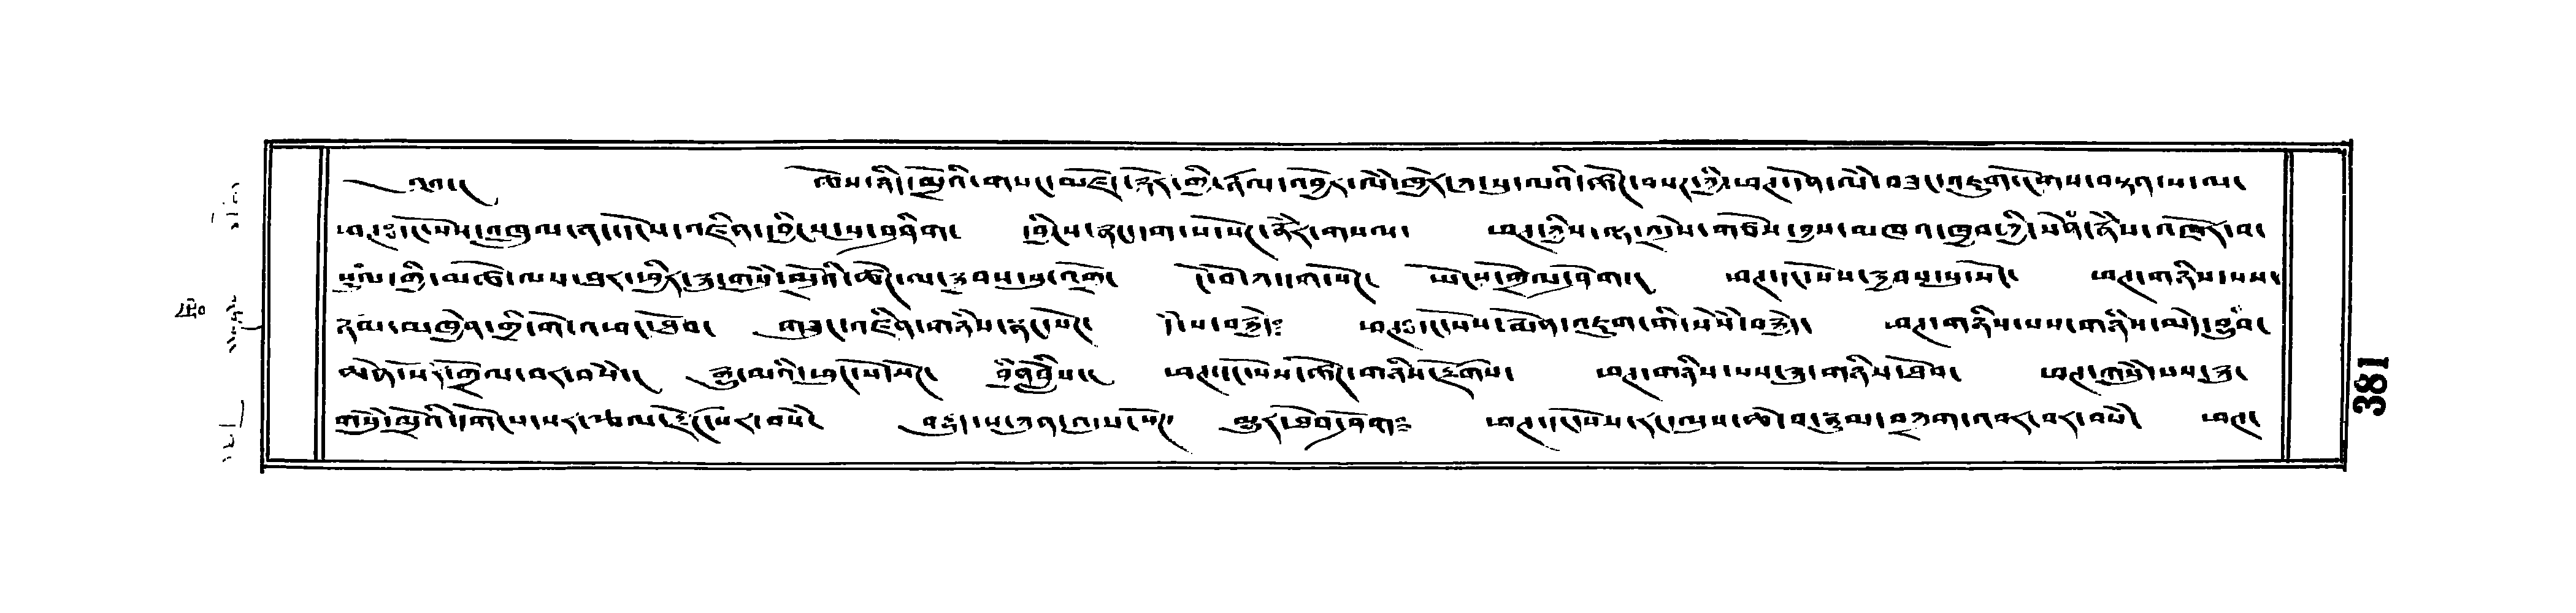ཆོས་ཉིད་མཁའ་འགྲོའི་གསང་མཛོད་སྐོར་གྱི་རྣལ་འབྱོར་ལམ་ཁྱེར་ཀུ་སུ་ལའི་ཚོགས་བསགས་ཀྱི་ཕཊ་དོན་ལམ་བཟང་འཇུག་ངོགས་བསྟན་པ་ལ་
ཕཊ་དང་པོས་འཁྲུལ་སྣང་དངོས་འཛིན་དབྱིངས་སུ་བཤིག དབྱིངས་སྣང་དག་པ་སོགས་རྣམ་པར་གསལ། ཕཊ་ཀྱིས་ལྷ་འདྲེས་གཙོ་བྱས་མཁའ་ཁྱབ་ཀྱི་སེམས་ཅན་རྣམས་འཁོར་བ་
སྡུག་བསྔལ་གྱི་མཚོ་ལས་ཐར་ཕྱིར་སྐུ་གསུམ་མཁའ་འགྲོའི་ཚོགས་ལ་སྐྱབས་སུ་འགྲོ། ངོ་བོ་ཀ་དག་སོགས། ཡོངས་གྲོལ་ཤོག༔ ཕཊ་དང་པོས་སྐྱབས་སུ་སོང་། ཕཊ་གཉིས་པས་
རྣམ་མཁྱེན་གྱི་གོ་འཕང་ཐོབ། གཟུང་འཛིན་གཉིས་སྣང་སོགས། དམ་པ་བསྐྱེད༔ ཕཊ་གཉིས་པས་སྐུ་གཉིས་ཐོབ། ཕགས་གཉིས་པས་གཉིས་མེད་བྱུང་
མོན་སེར་གྲོལ་བར་བསམ་ སྒྱུ་མའི་ཕུང་སོ་སོགས་ བྱིན་བརླབས་ ཕགས་དང་པོས་ཚོགས་གཉིས་རྫོགས་ ཕཊ་གསུམ་པས་སྐུ་
གསུམ་མཁའ་འགྲོའི་དགོངས་པར་རྩལ་རྫོགས་པར་བསམ། བརྒྱུད་པ་ཀུན་འདུས་སོགས། མྱུར་ཐོབ་ཤོག༔ ཕཊ་དང་པོས་རང་ལུས་ཆེ་བ་སྣུམ་བཀྲག་འབར་བར་བསམ། ཕཊ་